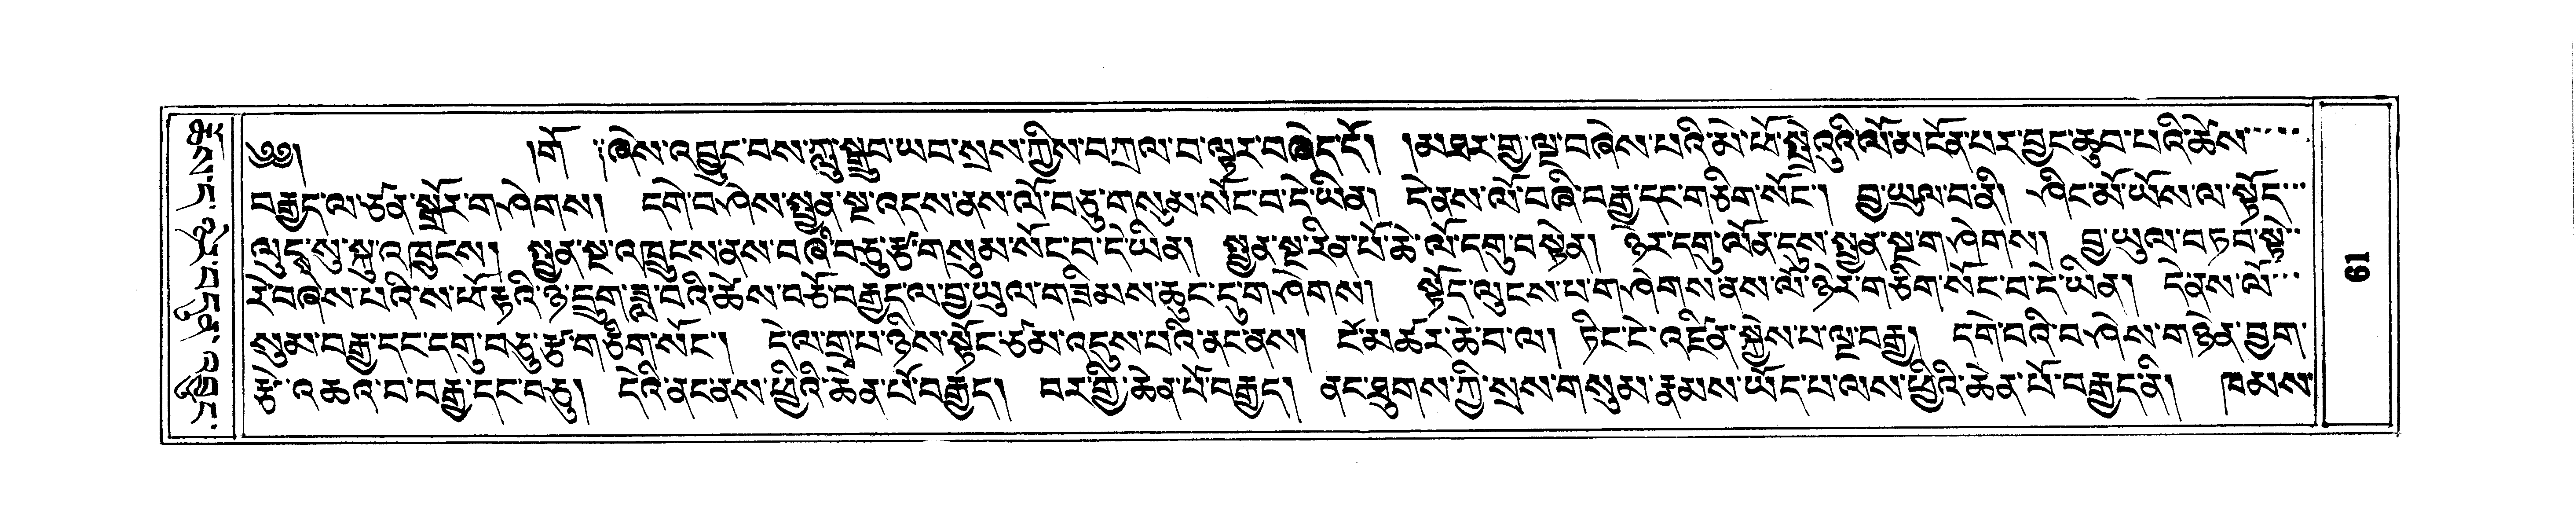༄༅། །གོ ༑ཞེས་འབྱུང་བས་ཀླུ་སྒྲུབ་ཡབ་སྲས་ཀྱིས་བཀྲལ་བ་ལྟར་བཞེད་དོ། །མཐར་གྱ་ལྔ་བཞེས་པའི་མེ་ཕོ་སྤྲེའུའི་ལོ་མངོན་པར་བྱང་ཆུབ་པའི་ཚེས་
བརྒྱད་ལ་ཙན་སྒྲོར་གཤེགས། དགེ་བཤེས་སྤྱན་སྔ་འདས་ནས་ལོ་བཅུ་གསུམ་སོང་བ་དེ་ཡིན། དེ་ནས་ལོ་བཞི་བརྒྱ་དང་གཅིག་སོང་། བྱ་ཡུལ་བ་ནི། ཤིང་མོ་ཡོས་ལ་སྟོད་
ལུངས་སུ་སྐུ་འཁྲུངས། སྤྱན་སྔ་འཁྲུངས་ནས་བཞི་བཅུ་རྩ་གསུམ་སོང་བ་དེ་ཡིན། སྤྱན་སྔ་རིན་པོ་ཆེ་ལོ་དགུ་བསྟེན། ཉེར་དགུ་ལོན་དུས་སྤྱན་སྔ་གཤེགས། བྱ་ཡུལ་བཏབ་སྟེ་
རེ་བཞེས་པའི་ས་ཕོ་རྟའི་ཉ་དྲུག་ཟླ་བའི་ཚེས་བཅོ་བརྒྱད་ལ་བྱ་ཡུལ་གཟིམས་ཆུང་དུ་གཤེགས། སྟོད་ལུངས་པ་གཤེགས་ནས་ལོ་ཉེར་གཅིག་སོང་བ་དེ་ཡིན། དེ་ནས་ལོ་
སུམ་བརྒྱ་དང་དགུ་བཅུ་རྩ་གཅིག་སོང་། དེ་ལ་གྲྭ་པ་ཉིས་སྟོང་ཙམ་འདུས་པའི་ནང་ནས། ངོ་མཚར་ཆེ་བ་ལ། ཏིང་ངེ་འཛིན་སྐྱེས་པ་ལྔ་བརྒྱ། དགེ་བའི་བཤེས་གཉེན་བྱག་
རྩེ་འཆའ་བ་བརྒྱ་དང་བཅུ། དེའི་ནང་ནས་ཕྱིའི་ཆེན་པོ་བརྒྱད། བར་གྱི་ཆེན་པོ་བརྒྱད། ནང་ཐུགས་ཀྱི་སྲས་གསུམ་རྣམས་ཡོད་པ་ལས་ཕྱིའི་ཆེན་པོ་བརྒྱད་ནི། ཁམས་